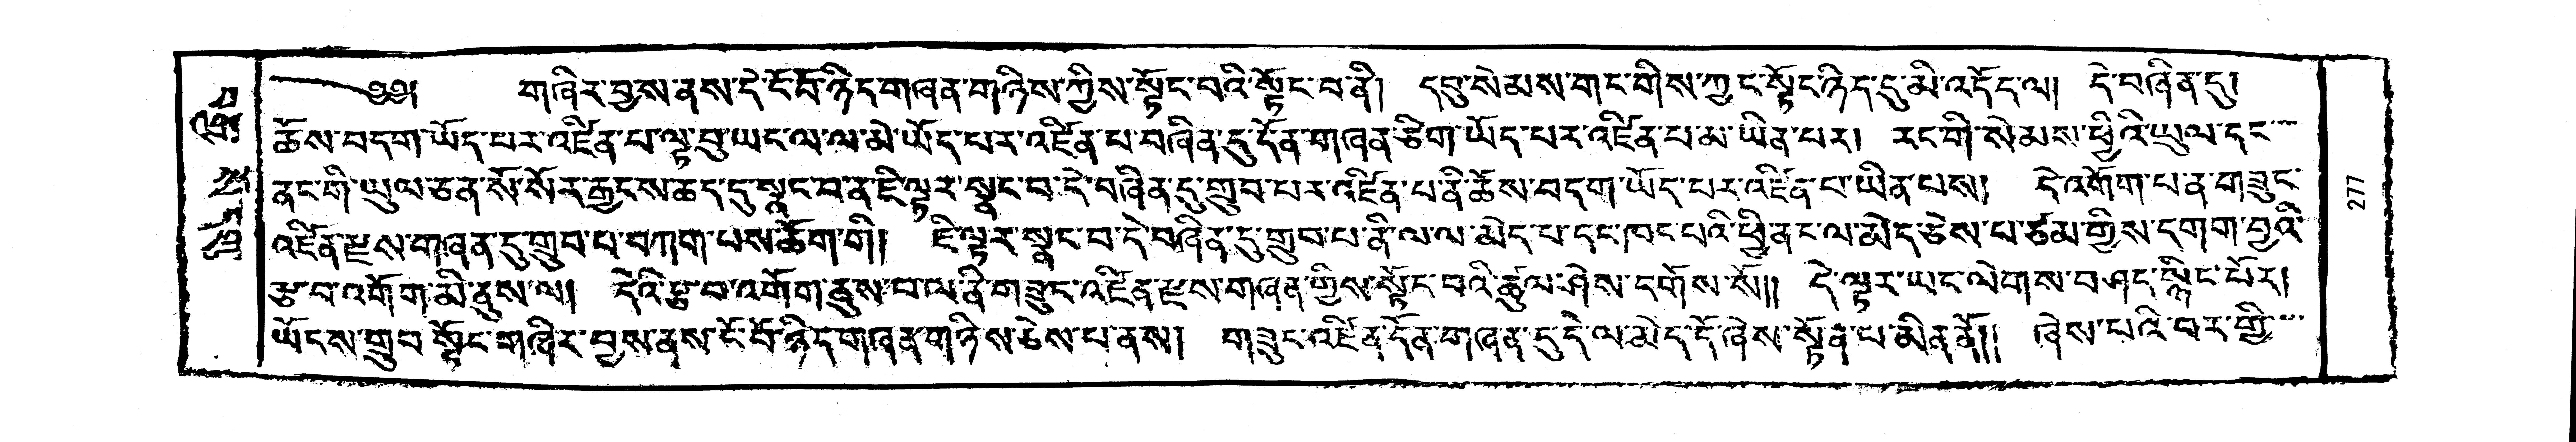༄༅། །གཞིར་བྱས་ནས་དེ་ངོ་བོ་ཉིད་གཞན་གཉིས་ཀྱིས་སྟོང་བའི་སྟོང་བ་ནི། དབུ་སེམས་གང་གིས་ཀྱང་སྟོང་ཉིད་དུ་མི་འདོད་ལ། དེ་བཞིན་དུ།
ཆོས་བདག་ཡོད་པར་འཛིན་པ་ལྟ་བུ་ཡང་ལ་ལ་མེ་ཡོད་པར་འཛིན་པ་བཞིན་དུ་དོན་གཞན་ཅིག་ཡོད་པར་འཛིན་པ་མ་ཡིན་པར། རང་གི་སེམས་ཕྱིའི་ཡུལ་དང་
ནང་གི་ཡུལ་ཅན་སོ་སོར་རྒྱངས་ཆད་དུ་སྣང་བ་ན་ཇི་ལྟར་སྣང་བ་དེ་བཞིན་དུ་གྲུབ་པར་འཛིན་པ་ནི་ཆོས་བདག་ཡོད་པར་འཛིན་པ་ཡིན་པས། དེ་འགོག་པ་ན་གཟུང་
འཛིན་རྫས་གཞན་དུ་གྲུབ་པ་བཀག་པས་ཆོག་གི །ཇི་ལྟར་སྣང་བ་དེ་བཞིན་དུ་གྲུབ་པ་ནི་ལ་ལ་མེད་པ་དང་ཁང་བའི་ཕྱི་ནང་ལ་མེད་ཅེས་པ་ཙམ་གྱིས་དགག་བྱའི་
རྩ་བ་འགོག་མི་ནུས་ལ། དེའི་རྩ་བ་འགོག་ནུས་པ་ལ་ནི་གཟུང་འཛིན་རྫས་གཞན་གྱིས་སྟོང་བའི་ཚུལ་ཤེས་དགོས་སོ། །དེ་ལྟར་ཡང་ལེགས་བཤད་སྙིང་པོར།
ཡོངས་གྲུབ་སྟོང་གཞིར་བྱས་ནས་ངོ་བོ་ཉིད་གཞན་གཉིས་ཅེས་པ་ནས། གཟུང་འཛིན་དོན་གཞན་དུ་དེ་ལ་མེད་དོ་ཞེས་སྟོན་པ་མིན་ནོ། །ཞེས་པའི་བར་གྱི་